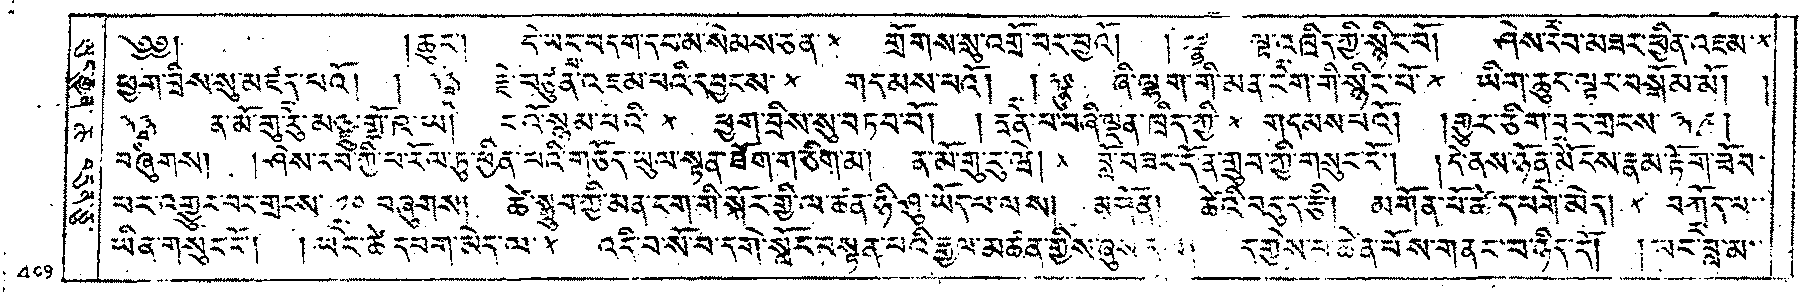༄༅། །ཆུང་། དེ་ཡང་བདག་དང་མ་སེམས་ཅན་྾་གྲོགས་སུ་འགྲོ་བར་བྱའོ། །༡༧་ན ༡་ལྟ་འཁྲིད་ཀྱི་སྙིང་པོ། ཤེས་ར་རབ་མཐར་ཕྱིན་འཇམ་྾་
ཕྱག་བྲིས་སུ་མཛད་པའོ། །༢༣་བ ༥་རྗེ་བཙུན་ལ་འཇམ་པའི་དབྱངས་྾་གདམས་པའོ། །༢༤་ན ༦་ཞི་ལྷག་གི་མན་ངག་ར་གི་སྙིང་པོ་྾་ཡིག་ཆུང་ལྟར་བསྒོམ་མོ། །
༣༣་བ ༤་ང་ན་མོ་གུ་རུ་མཉྫུ་གྷོ་ཥ་ཡ། ངའོ་སྙམ་པའི་྾་ཕྱག་བྲིས་སུ་བཏབ་བོ། །དྲན་ར་པ་བཞི་ལྡན་ཁྲིད་ཀྱི་྾་གདམས་པའོ། །གྱུར་ཅིག་བར་གྲངས ༣༩།
བཞུགས། །ཤེས་རབ་ཀྱི་ཕ་རོལ་ཏུ་ཕྱིན་པའི་གཅོད་ཡུལ་སྟན་ཐོག་གཅིག་མ། ན་མོ་གུ་རུ་ཝེ། ྾་བློ་བཟང་དོན་གྲུབ་ཀྱི་གསུང་ངོ། །དེ་ནས་ཉོན་མོངས་ར་རྣམ་རྟོག་ཐོབ་
པར་འགྱུར་བར་གྲངས ༡༠་བཞུགས། ཚེ་སྒྲུབ་ཀྱི་མན་ངག་གི་སྐོར་གྱི་ལ་ཚན་ཉི་ཤུ་ཡོད་པ་ལས། མགོན། ཚེའི་བདུད་རྩི། མགོན་པོ་ཚེ་དཔག་ར་མེད། ྾་བཀོད་པ་
ཡིན་གསུང་ངོ། །ཡང་ར་ཚེ་དཔག་མེད་ལ་྾་འདི་བ་སོ་བ་དགེ་སློང་བསྟན་པའི་རྒྱལ་མཚན་གྱིས་ཞུས་དུས། དགྱེས་པ་ཆེན་པོས་གནང་བ་ཉིད་དོ། །ཡང་ར་བླ་མ་